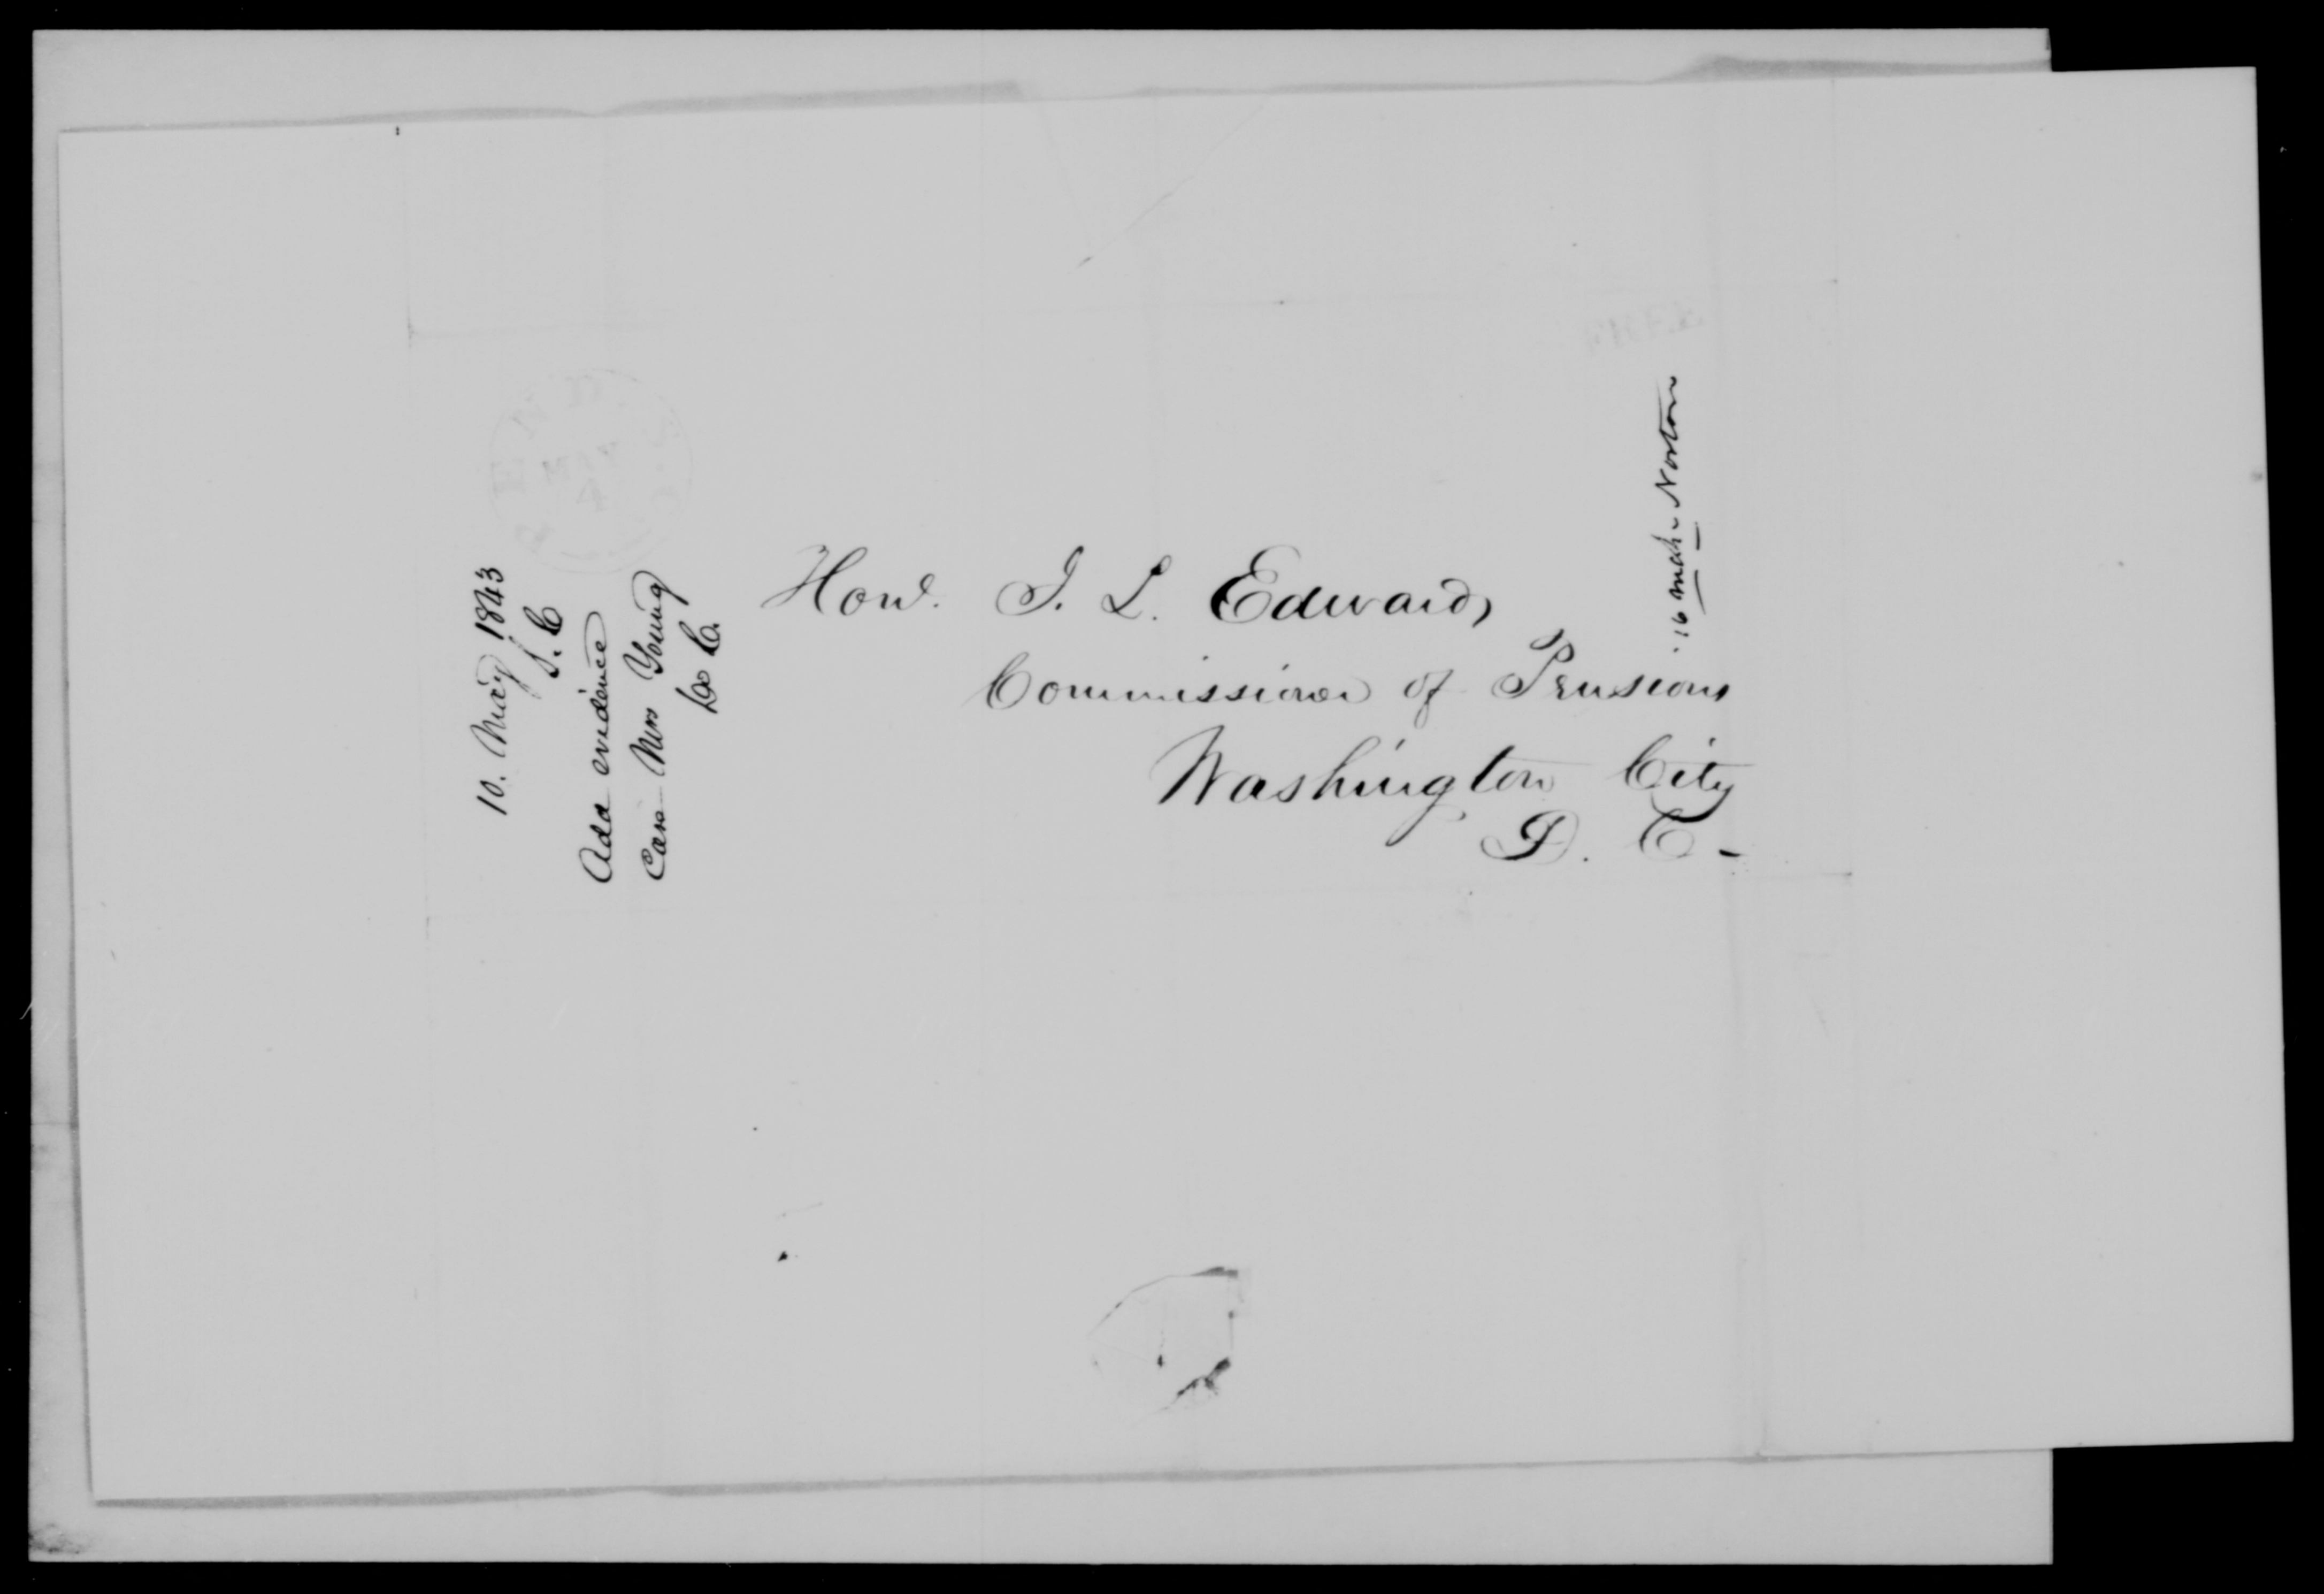10 May 1843
S.C [South Carolina]
Add evidence
case Mrs. Young
D.C.

Honl. [Honorable] J. [James] L. Edwards
Commissioner of Pensions
Washington, City
D.C.

16 March Norton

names: Young, Norton, J L Edwards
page: 49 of 56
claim: widow's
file: W. 9040, Levi Young, Ga. New Jersey S.C.